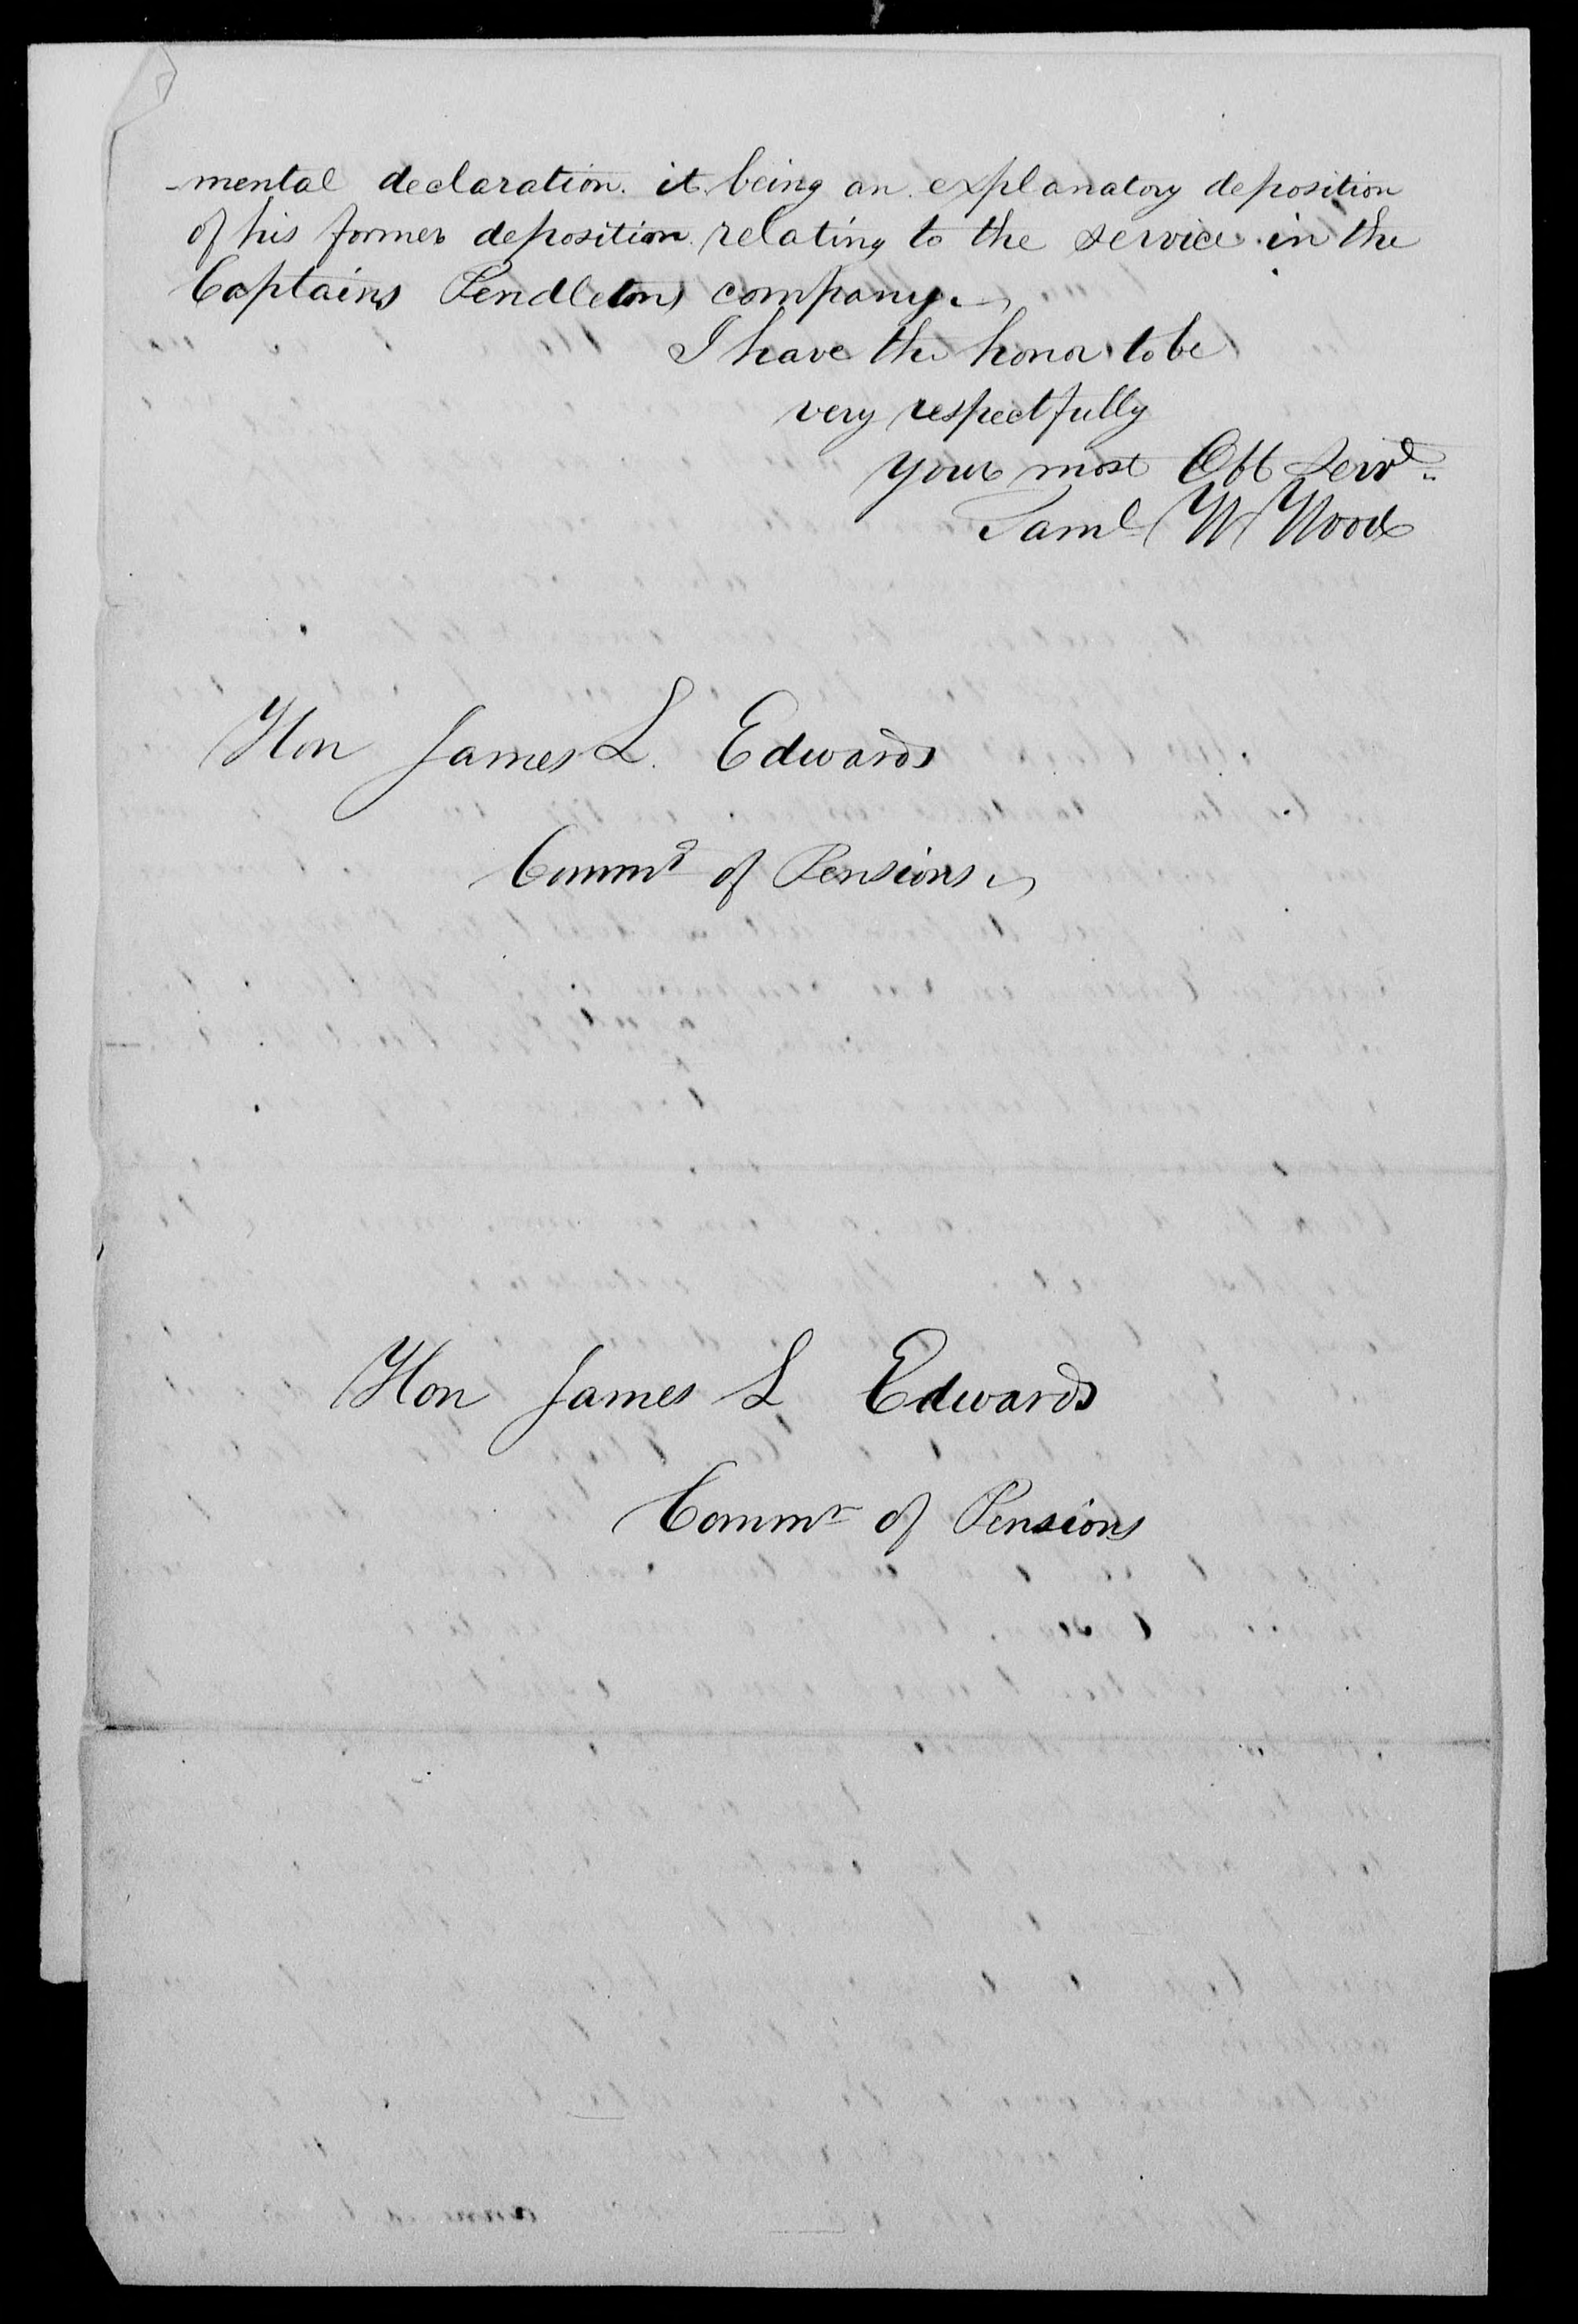mental declaration it being an explanatory deposition of his former deposition relating to the service in the Captains Pendletons company.
I have the honor to be very respectfully your most Obt Servt
Saml W Wood

Hon James L Edwards
Comm of Pensions

Hon James L Edwards
Comm of Pensions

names: James L Edwards, James L Edwards, Saml W Wood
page: 24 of 48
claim: widow's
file: W. 17,628, Arnold Clarke, R.I.